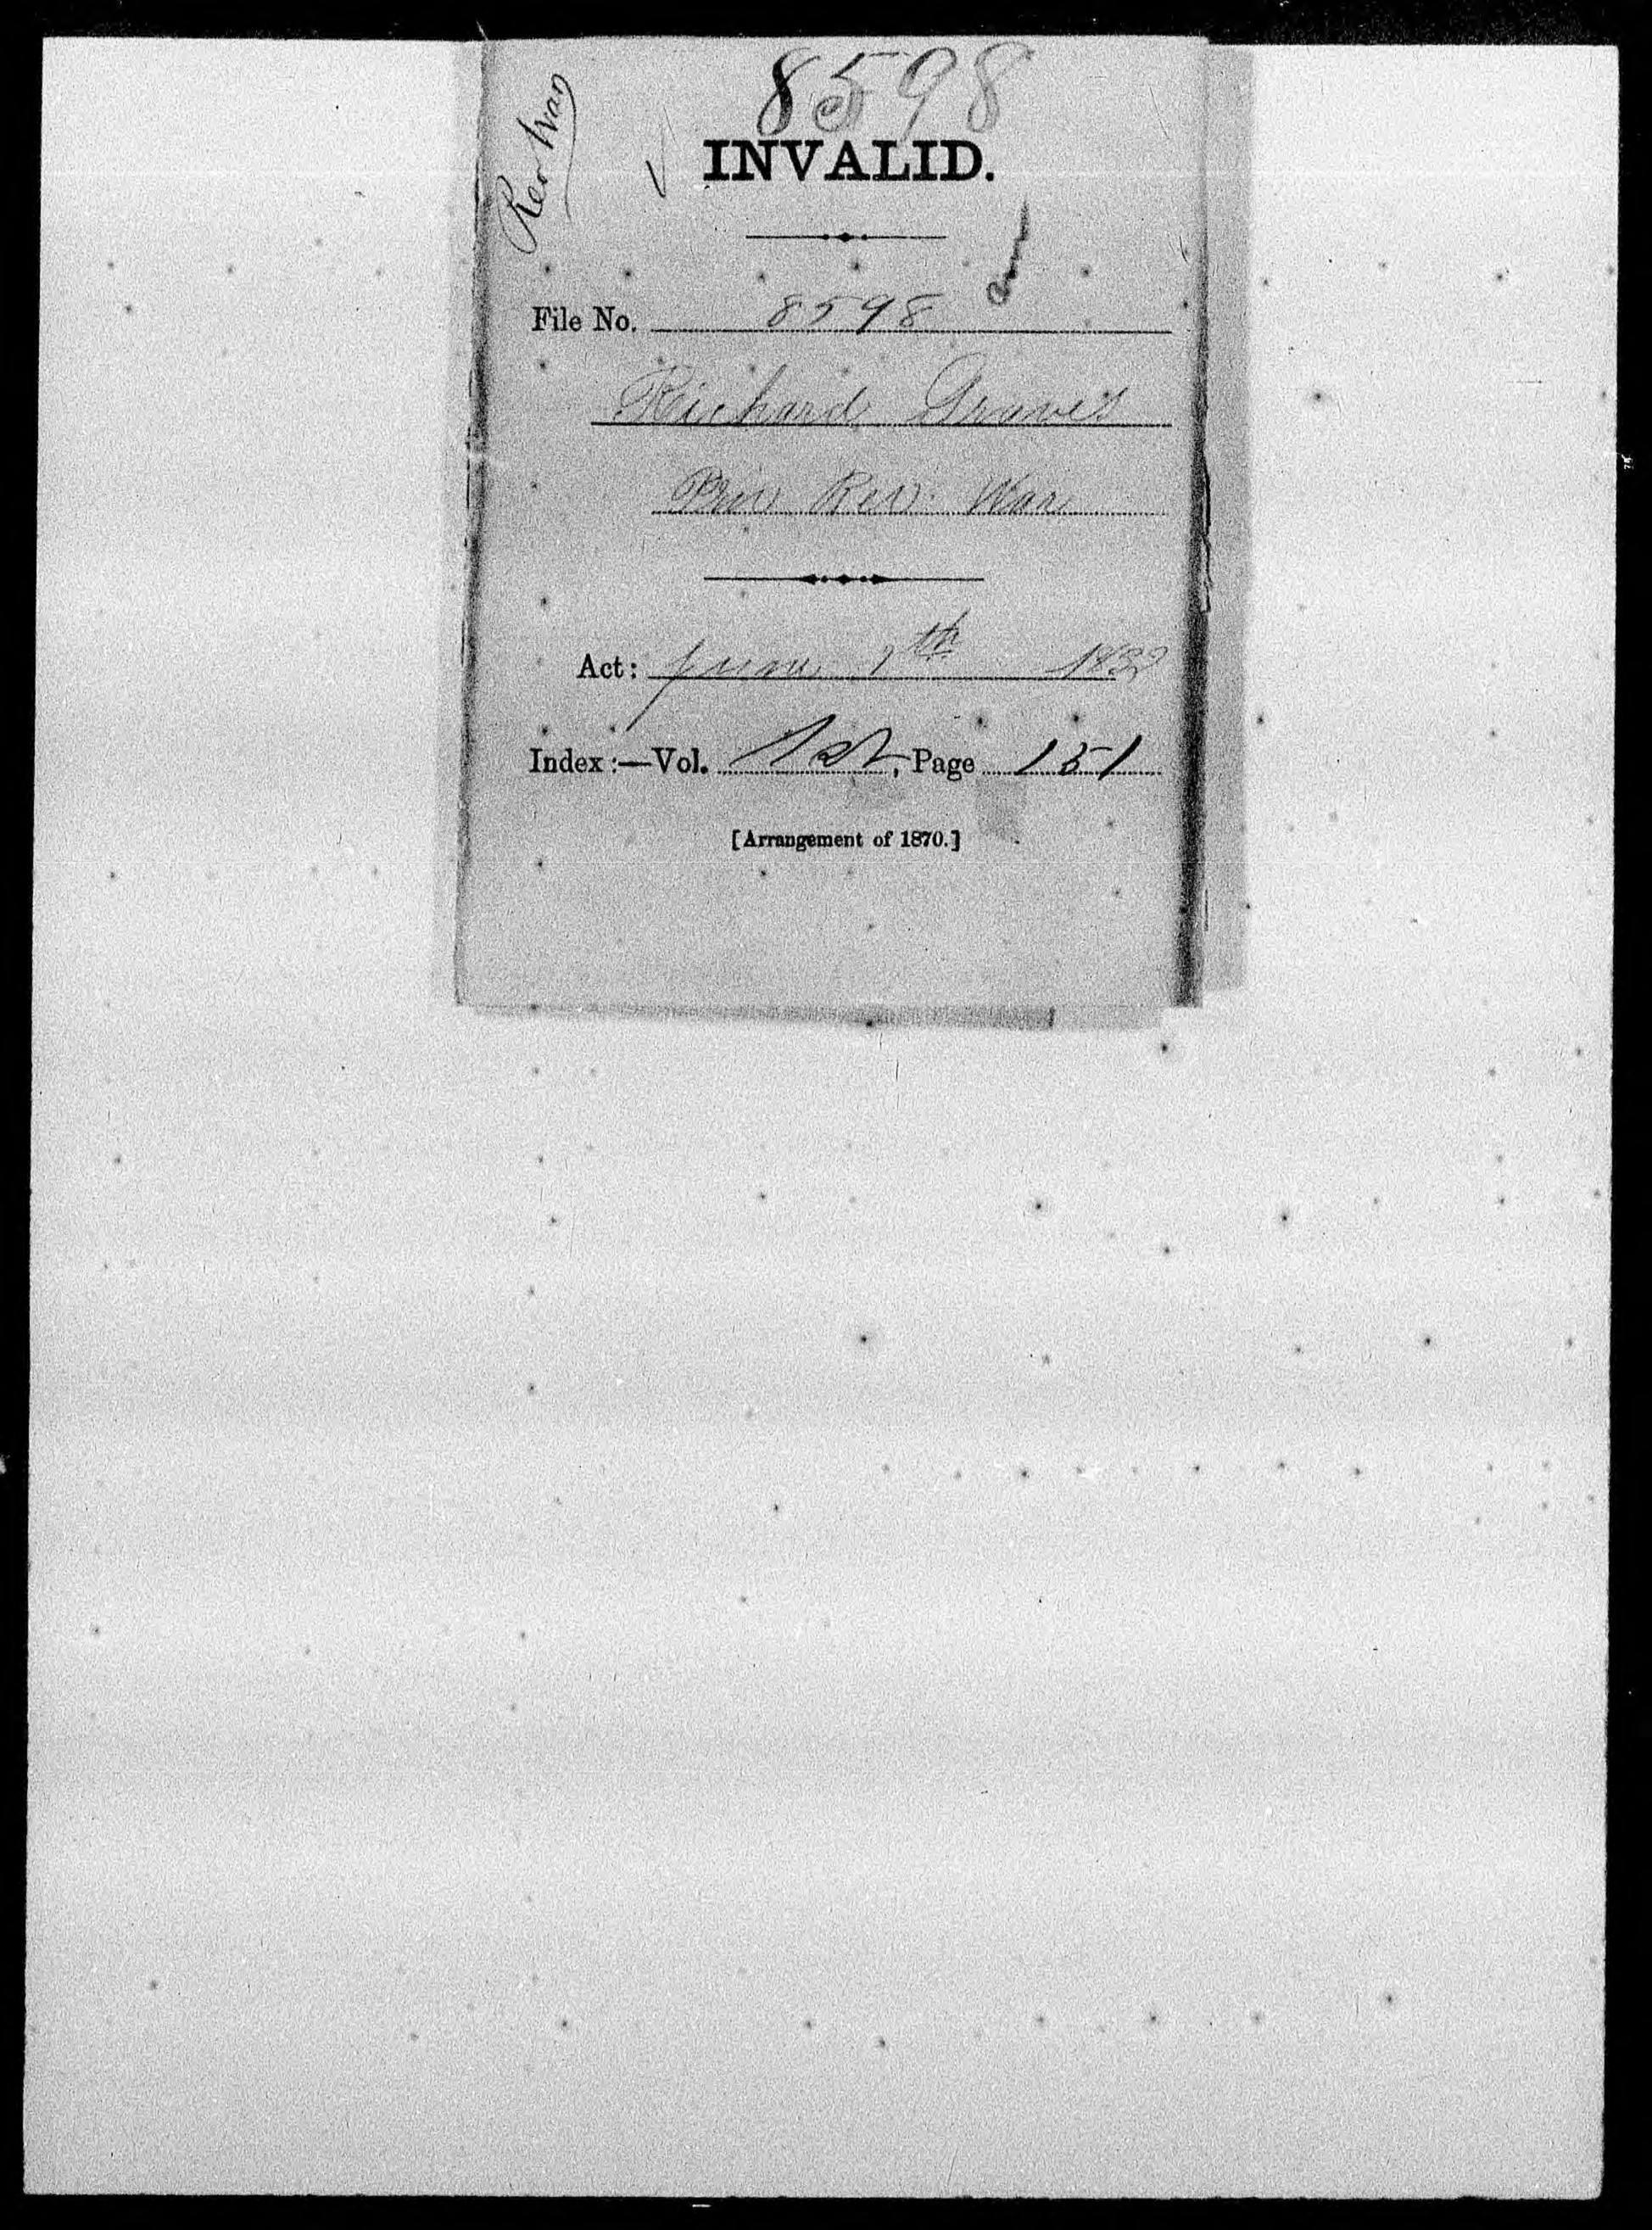[Rev War]

8598
Invalid.

File No. 8598
Richard Graves
Priv Rev. War

Act: June 7th 1832

Index: Vol. [???], Page 151

[Arrangement of 1870.]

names: Richard Graves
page: 10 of 15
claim: survivor's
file: S. 8598, Richard Graves, S.C.